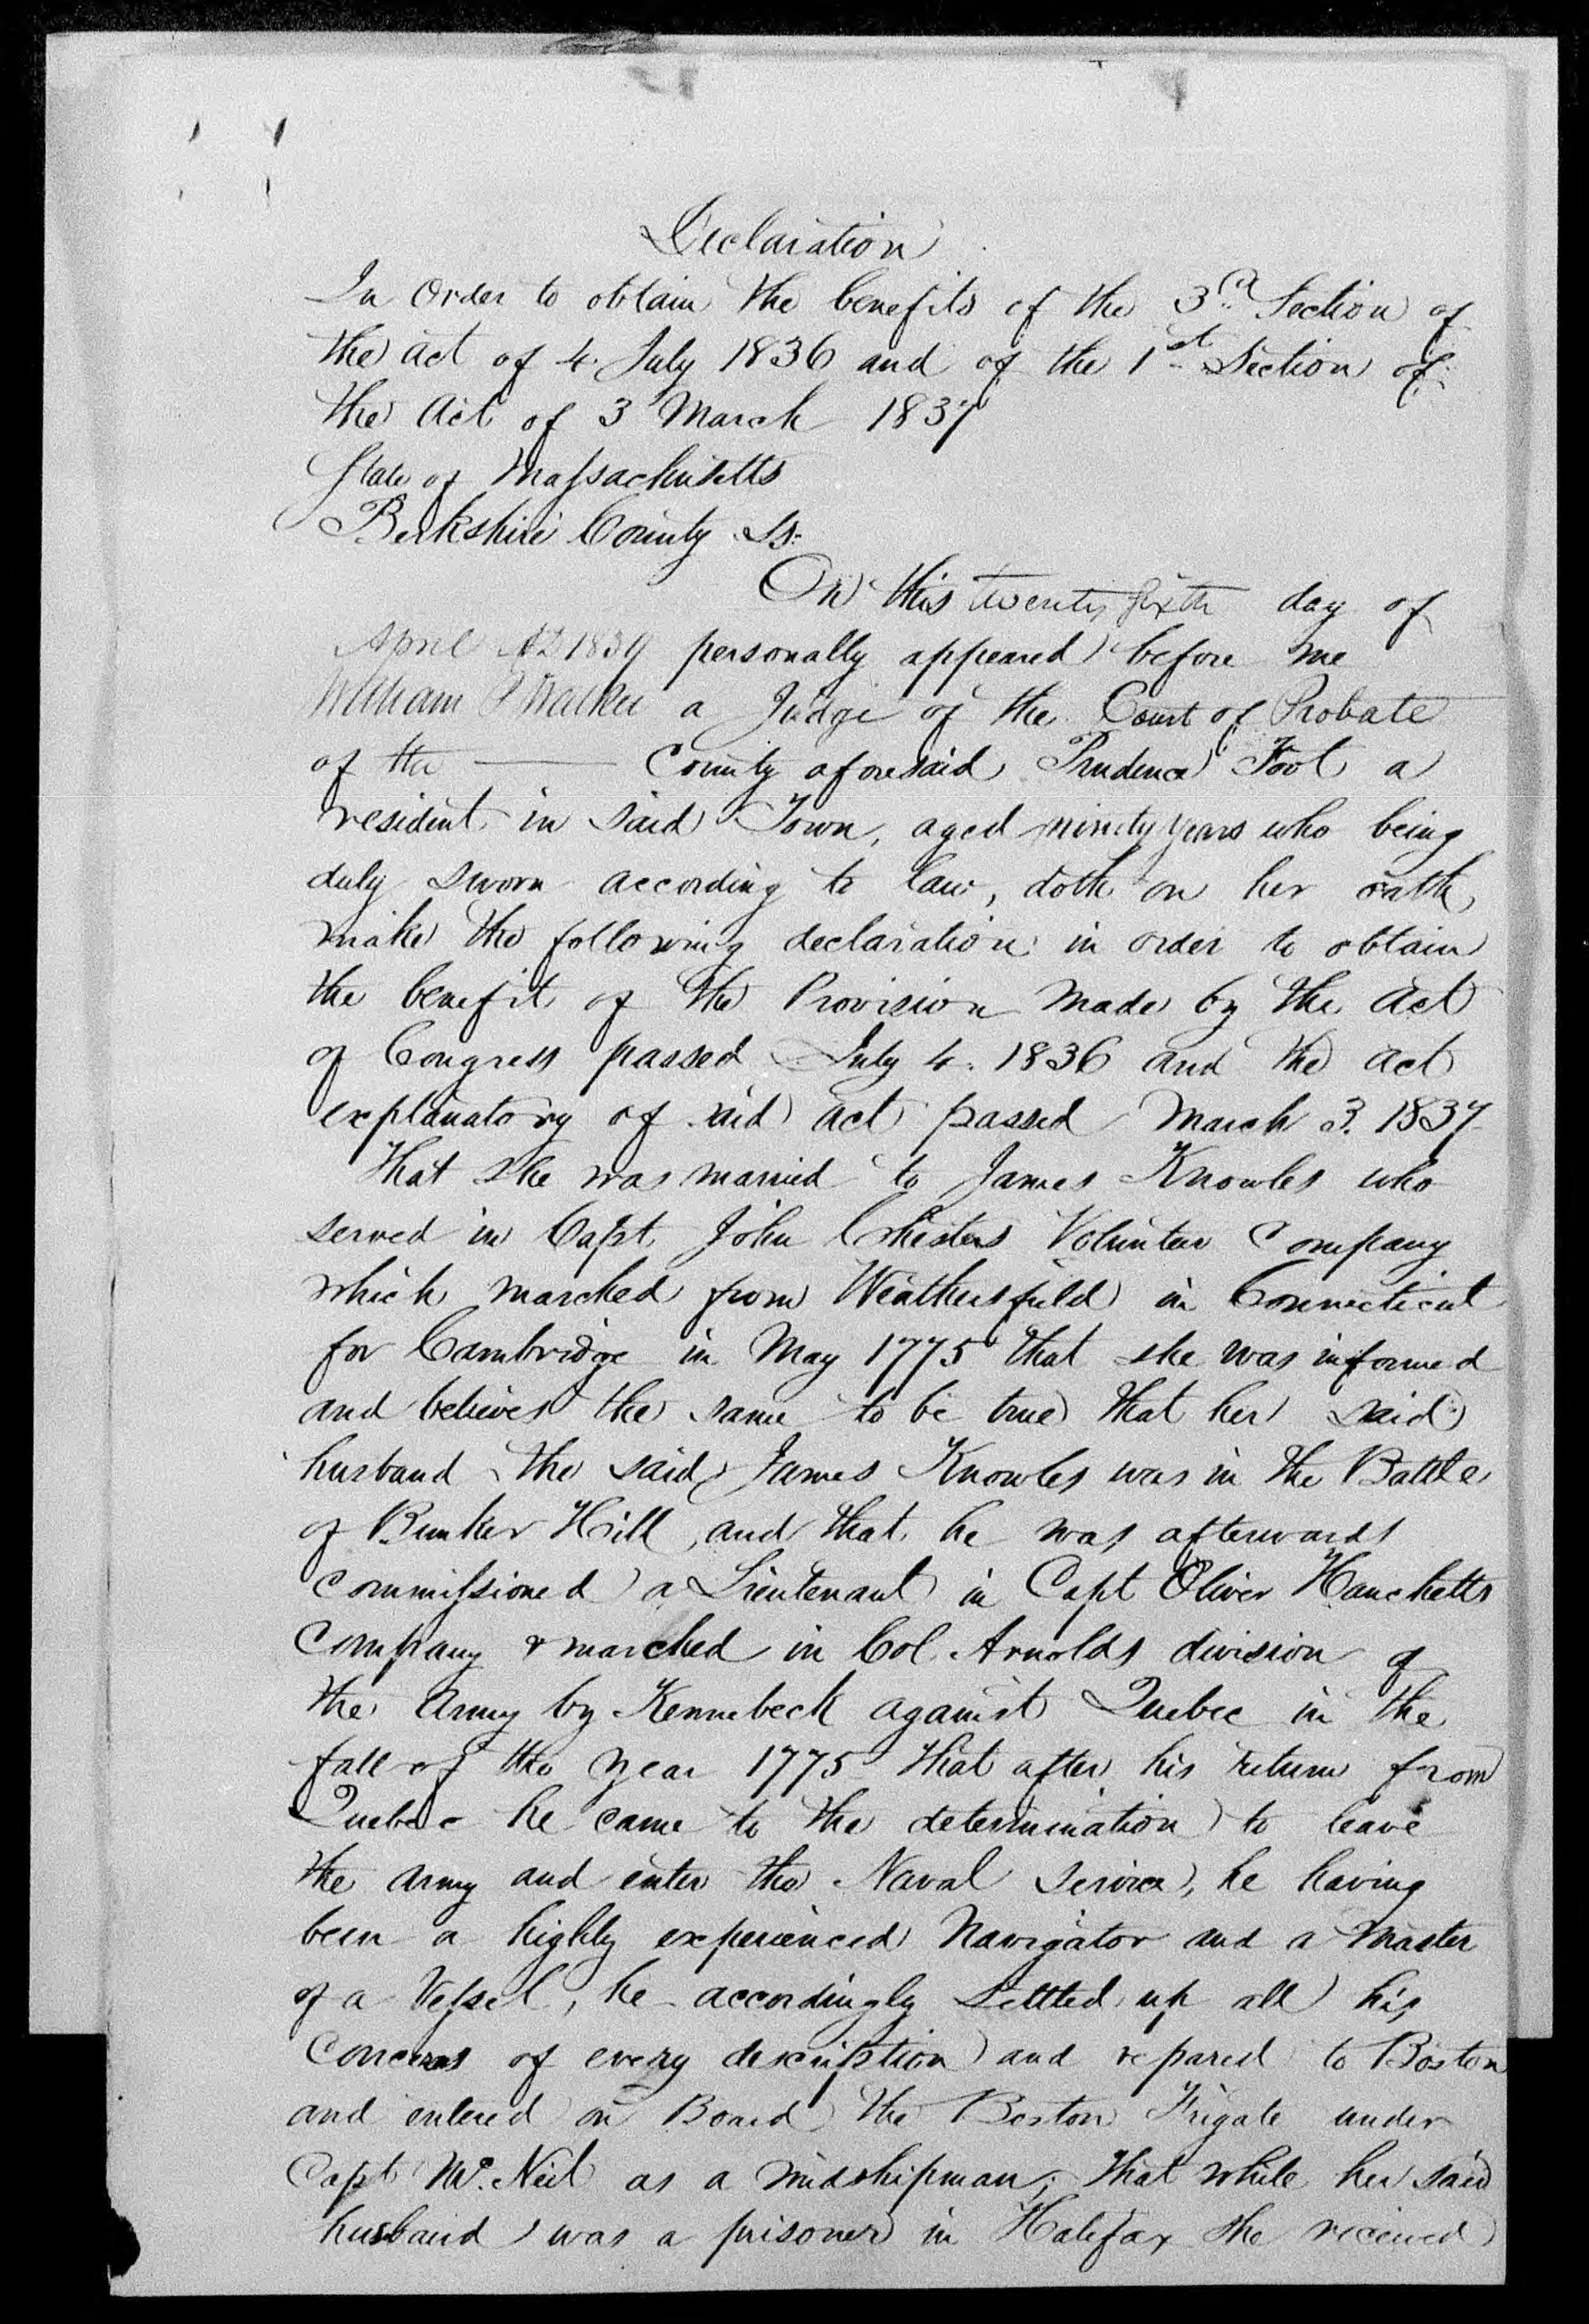Declaration
In order to obtain the benefits of the 3d Section of the act of 4 July 1836 and of the 1st Section of the Act of 3 March 1837
State of Massachusetts
Berkshire County  Ss:

On this twenty sixth day of April AD 1839 personally appeared before me William P Walker a Judge of the Court of Probate of the County aforesaid Prudence Foot a resident in said Town, aged Ninety years who being duly sworn according to law, doth on her oath make the following declaration in order to obtain the benefit of the Provision made by the Act explanatory of said act passed March 3. 1837.
that she was married to James Knowles who served in Capt John Chester's Volunteer Company which marched from Weathersfield in Connecticut for Cambridge in May 1775 that she was informed and believes the same to be true that her said husband, the said James Knowles was in the Battle of Bunker Hill and that he was afterwards commissioned a Lieutenant in Capt Oliver Hanchetts Company & marched in Col. Arnolds division of the Army by Kennebeck against Quebec in the fall of the year 1775. That after his return from Quebec he came to the determination to leave the army and enter the Naval Service, he having been a highly experienced Navigator and a Master of a Vessel, he accordingly settled up all his concerns of every description and repared to Boston and entered on Board the Boston Frigate under Capt McNeil as a midshipman. That while her said husband was a prisoner in Halifax she received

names: Prudence Foot; William P Walker; [BLANK] Mc Neil; James Knowles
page: 5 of 60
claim: widow's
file: W. 14,036, for James Knowles, Connecticut